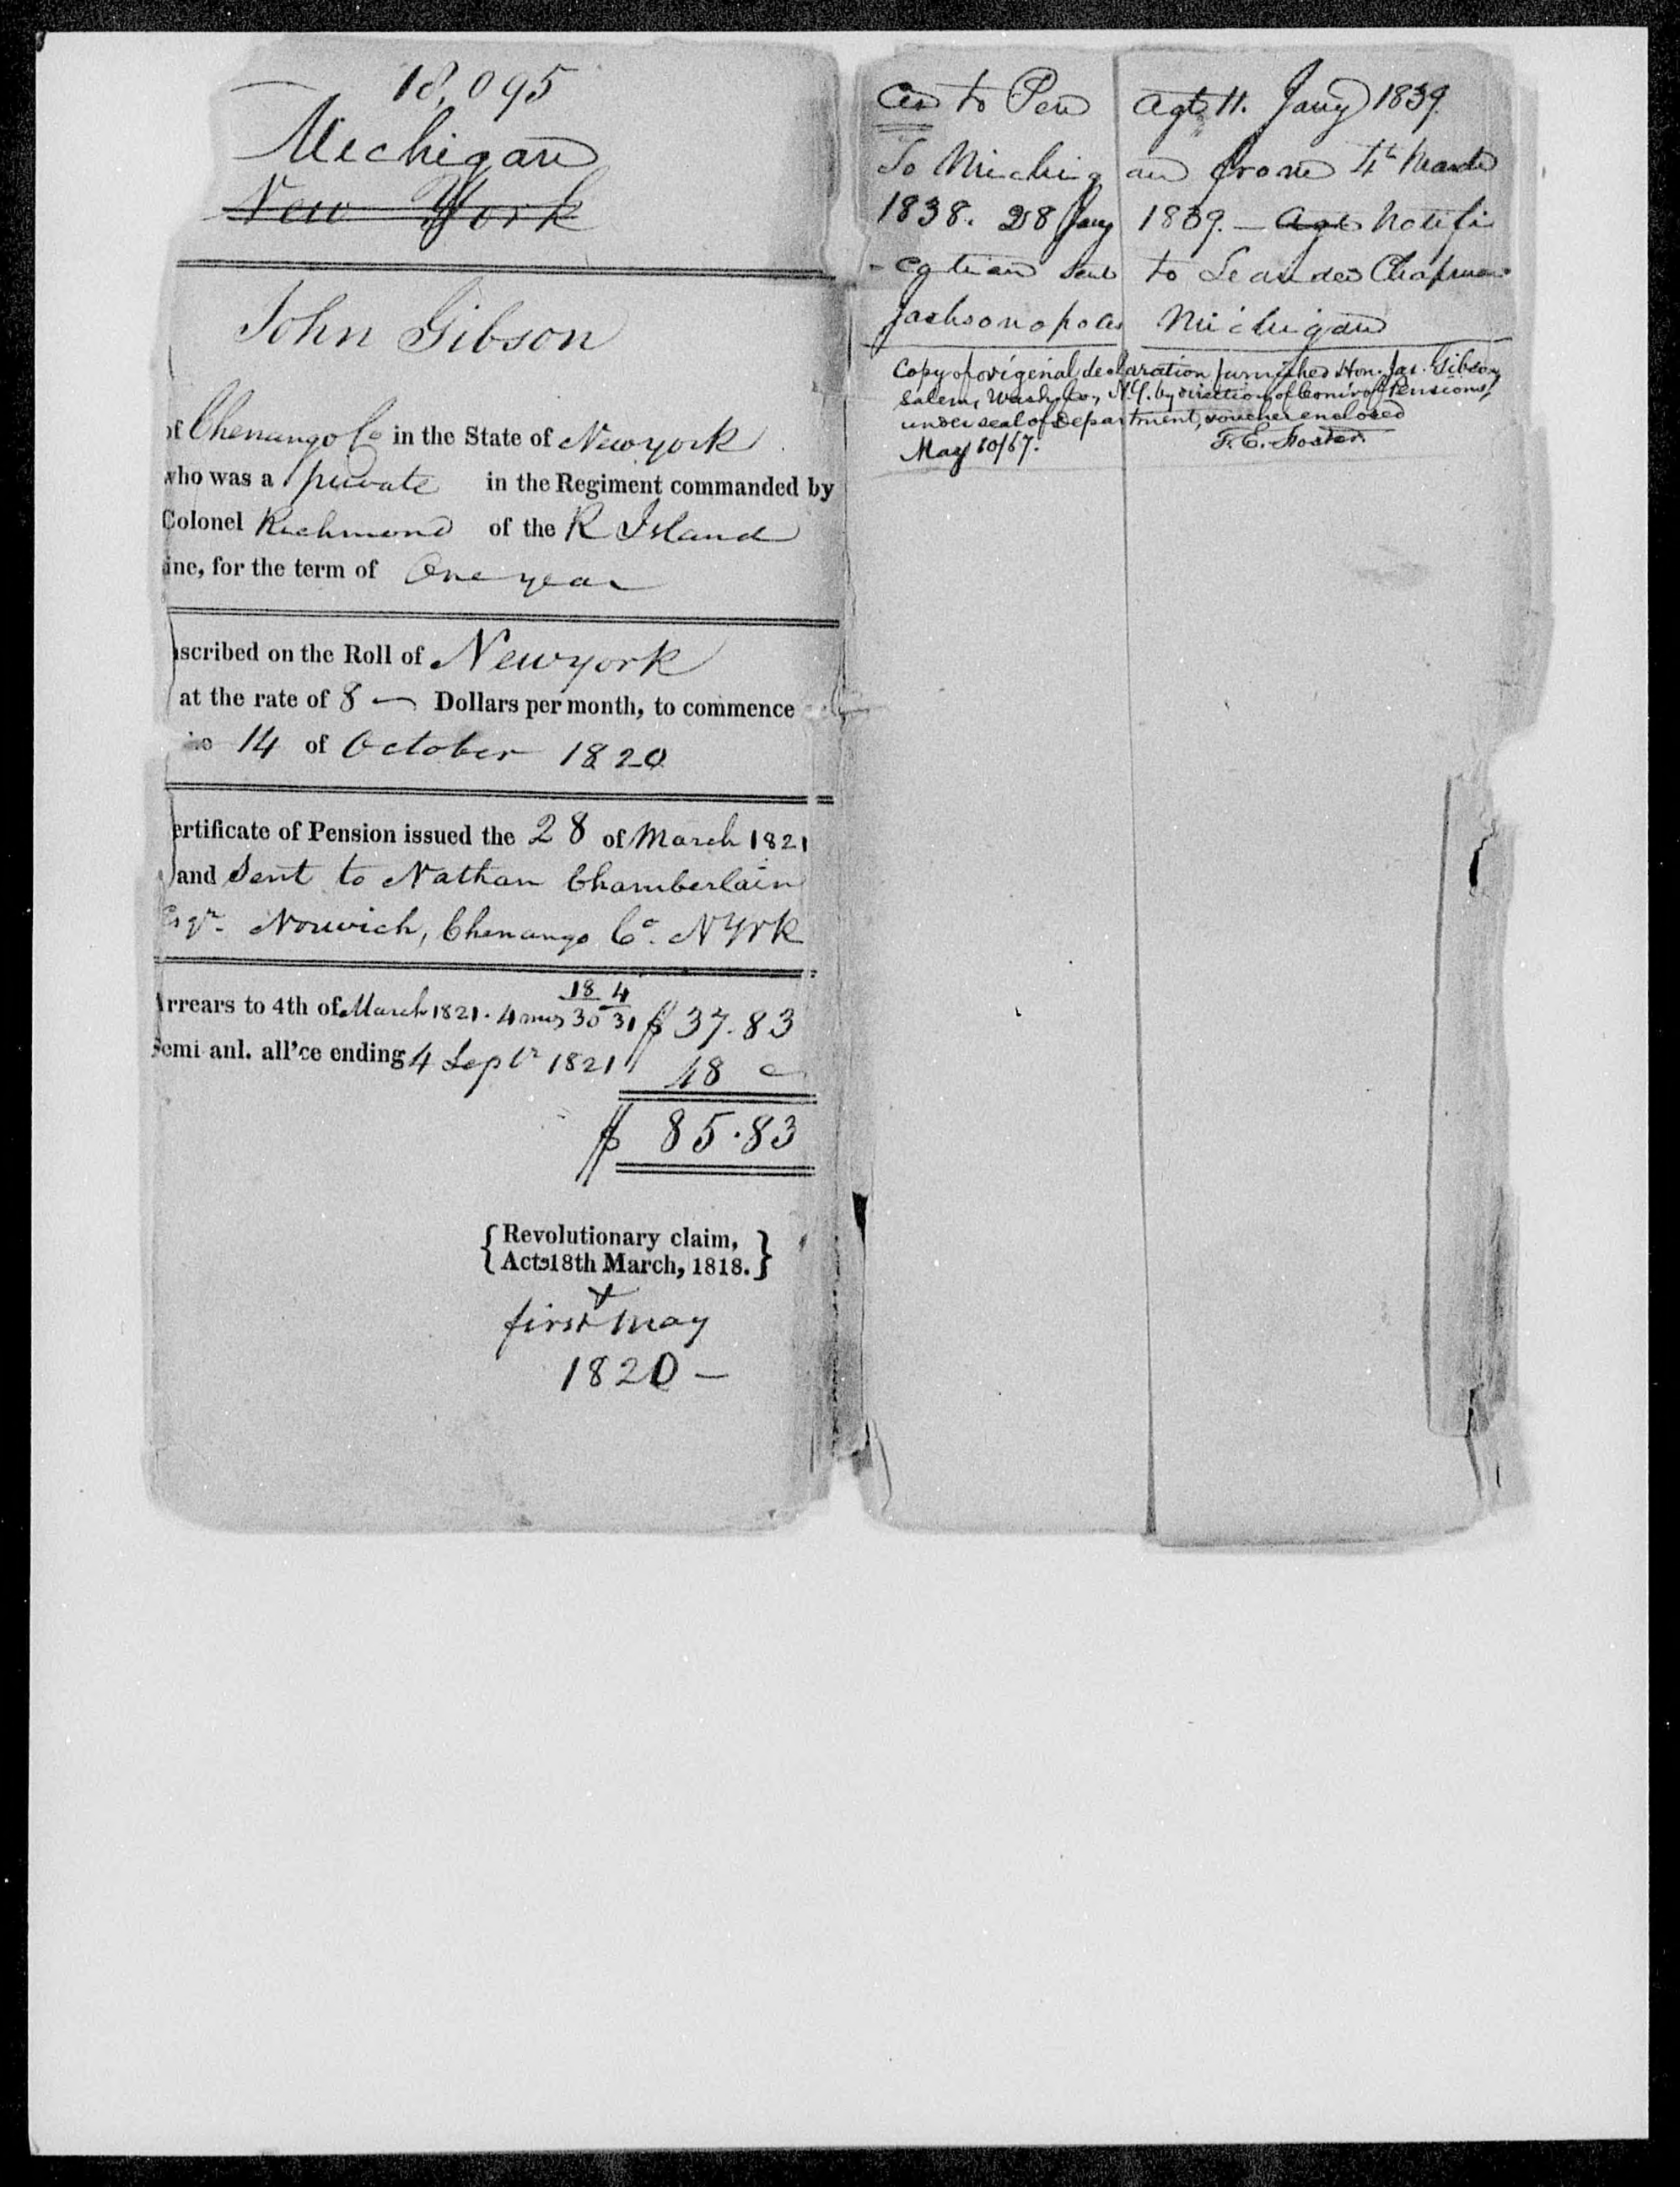18,095
Michigan
[New York - crossed out]
John Gibson
of Chenango Co in the State of New York
who was a private in the Regiment commanded by Colonel Richmond of the R. Island
line, for the term of one year
Subscribed on the Roll of New York
at the rate of 8 Dollars per month, to commence
14 of October 1820
Certificate of Pension issued the 28 of March 1821and sent to Nathan Chamberlain Esqr Norwich Chenango Co N Yrk
Arrears to 4th of March 1821 4 mos 18/30 4/31 $37.83
Semi-anl. all'ce ending 4 Sept 1821 $48.
[underline]
$85.83
{Revolutionary claim,
Act 18th March, 1818.}
& first May
1820-
[illegible] to Pen Agt 11 Jany 1839
To Michigan from 4th March
1838. 28 Jany 1839. Agt Notification
sent to Leander Chapman
Jacksonopolis Michigan
Copy original declaration furnished Hon. Jas. Gibson
Salem Wash Co. N. Y. by direction of Com’r of Pensions,
under seal of Department, voucher enclosed
May 10/67.
F. E. Foster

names: Leander Chapman, Jas Gibson, Richmond, Nathan Chamberlain, John Gibson, F E Foster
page: 2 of 32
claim: survivor's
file: S. 34899, John Gibson, R.I.